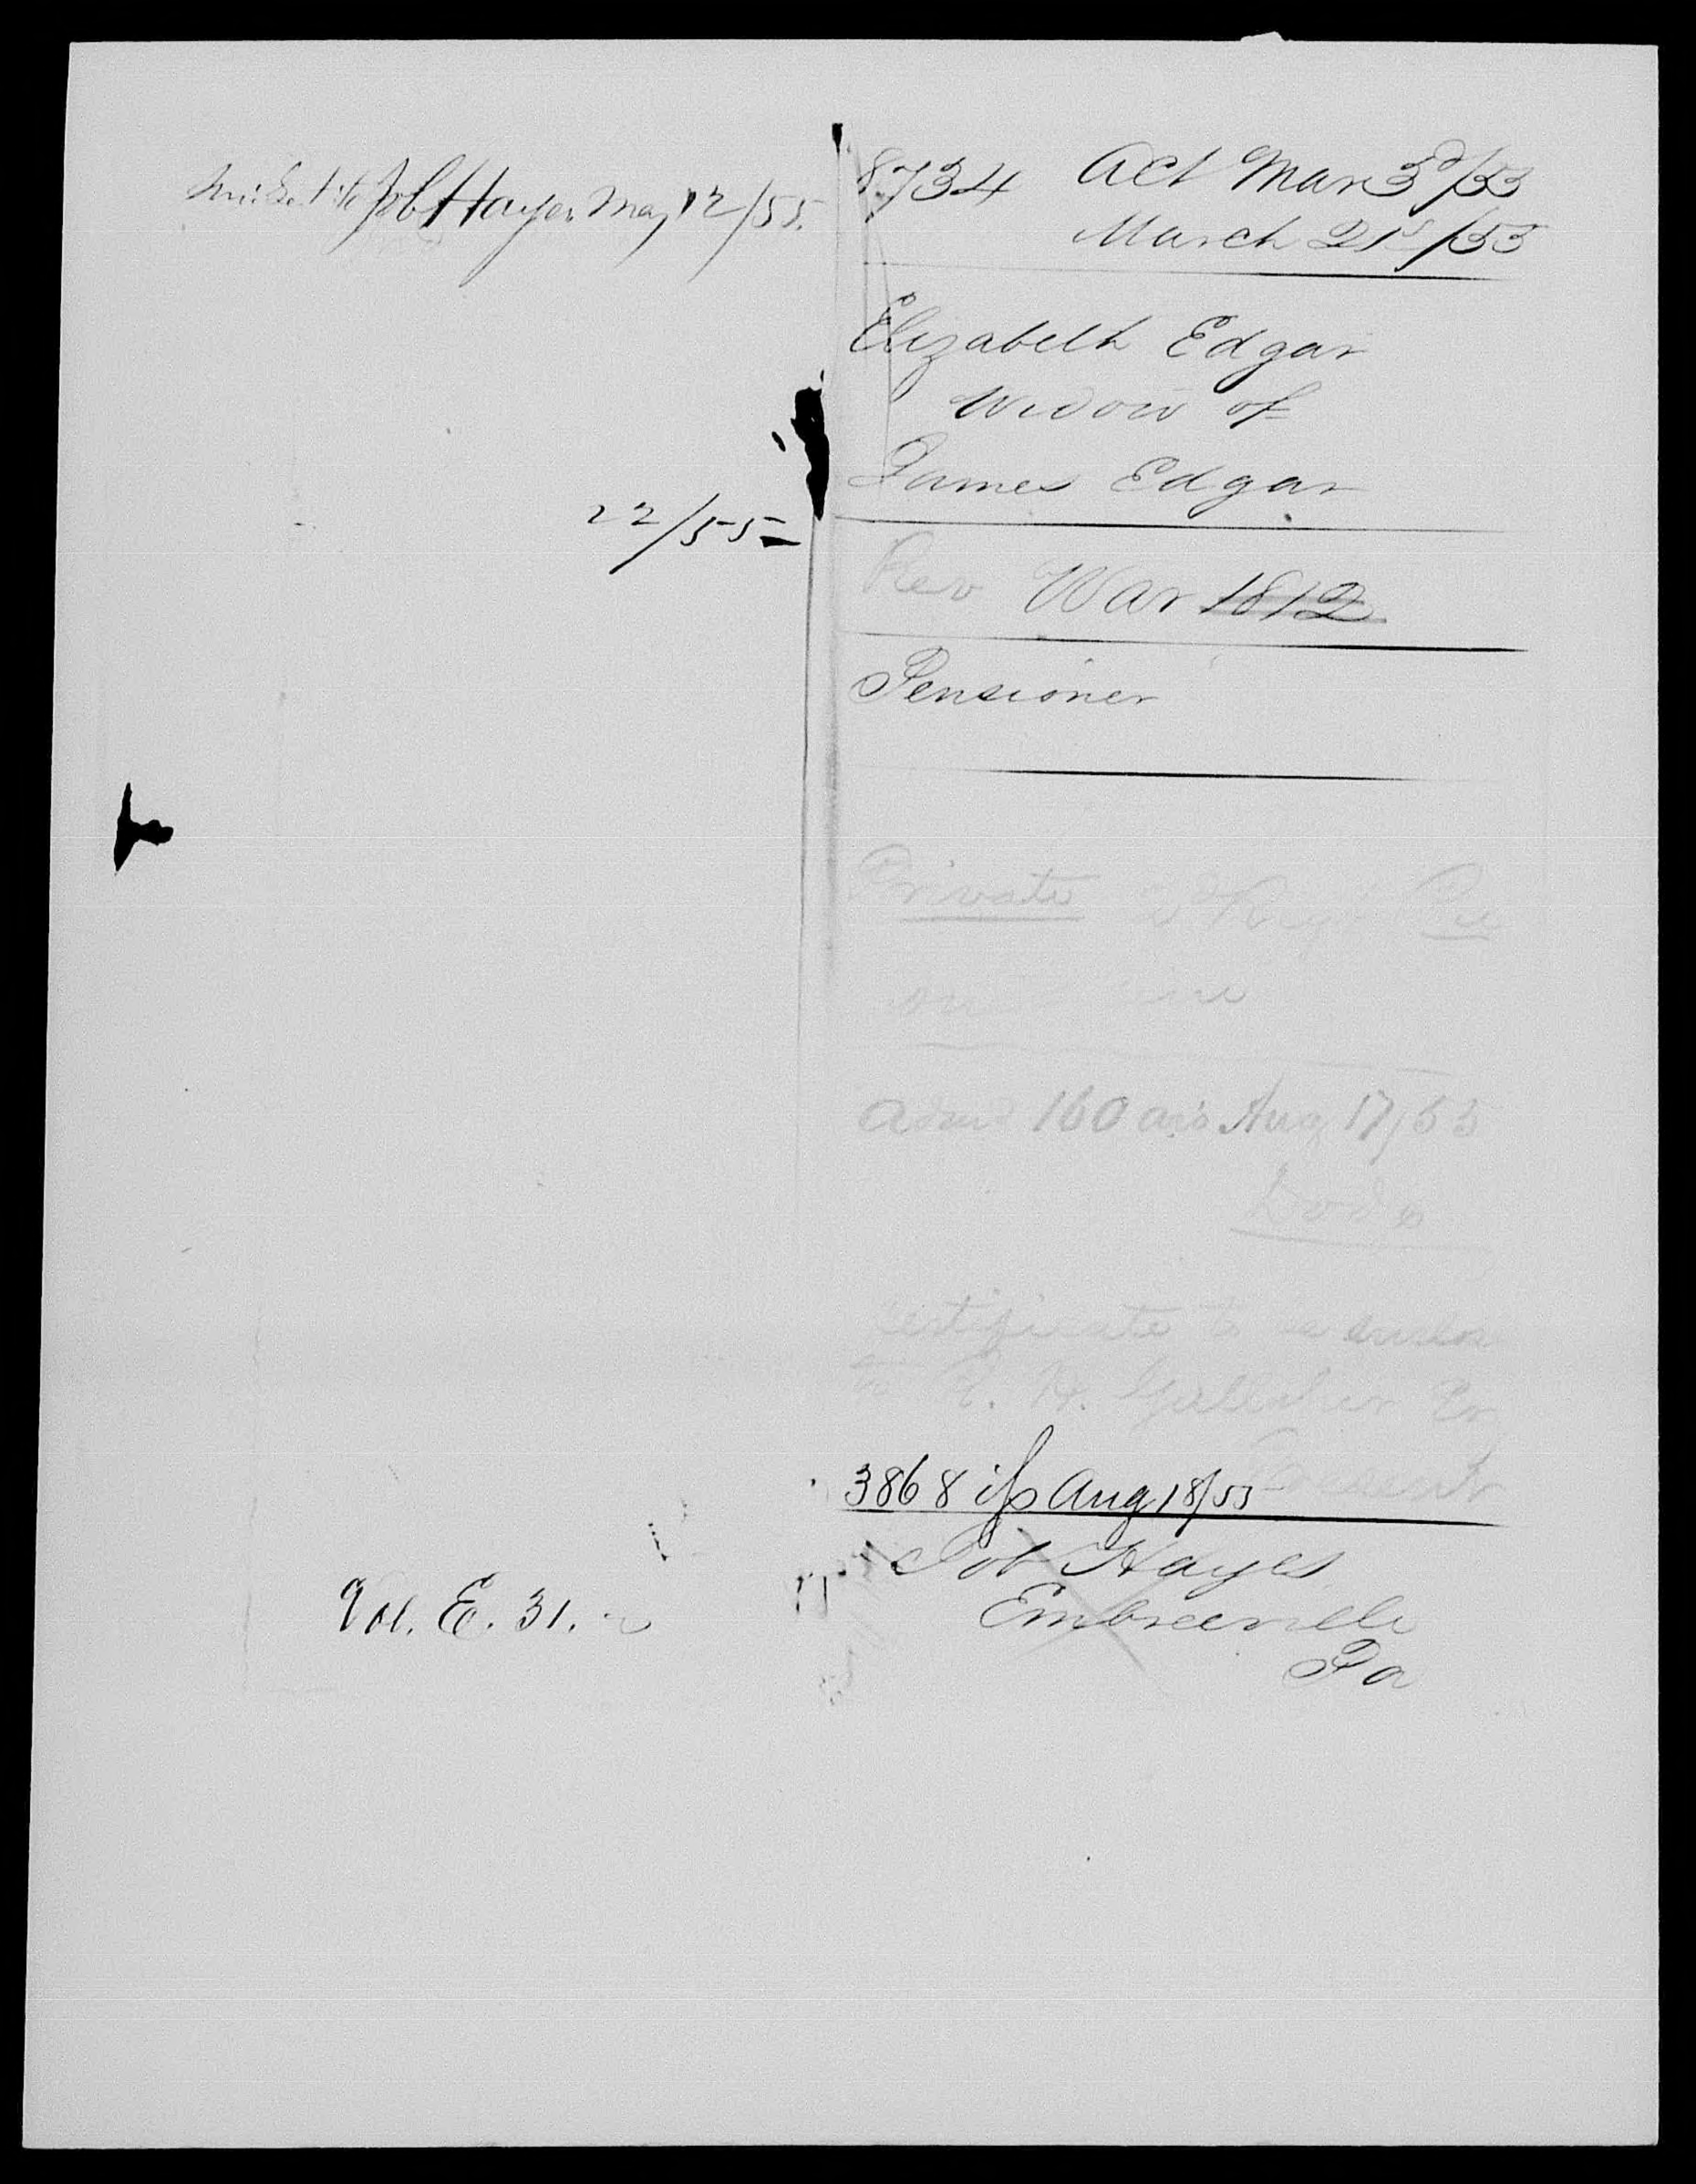Issued to Job Hayer May 12 /55
22 /55

8734
Act Mar 33
March 21 33
-
Elizabeth Edgar
Widow of
James Edgar
-----
Rev War
-----
Pensioner
-----
Private 22  (illegible)
---
(illegible)
Adv 160 Aug 17, 53
Dod  &

Certificate to as enclos
to R. H. Gallagher esq 
Present

3868 is Aug 10/53
Job Hayes
Embreeville
a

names: James Edgar, Job Hayes, Elizabeth Edgar, R H Gallaher, Dodge, Job Hayes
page: 4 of 74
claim: widow's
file: W. 9422, James Edgar, Penn.